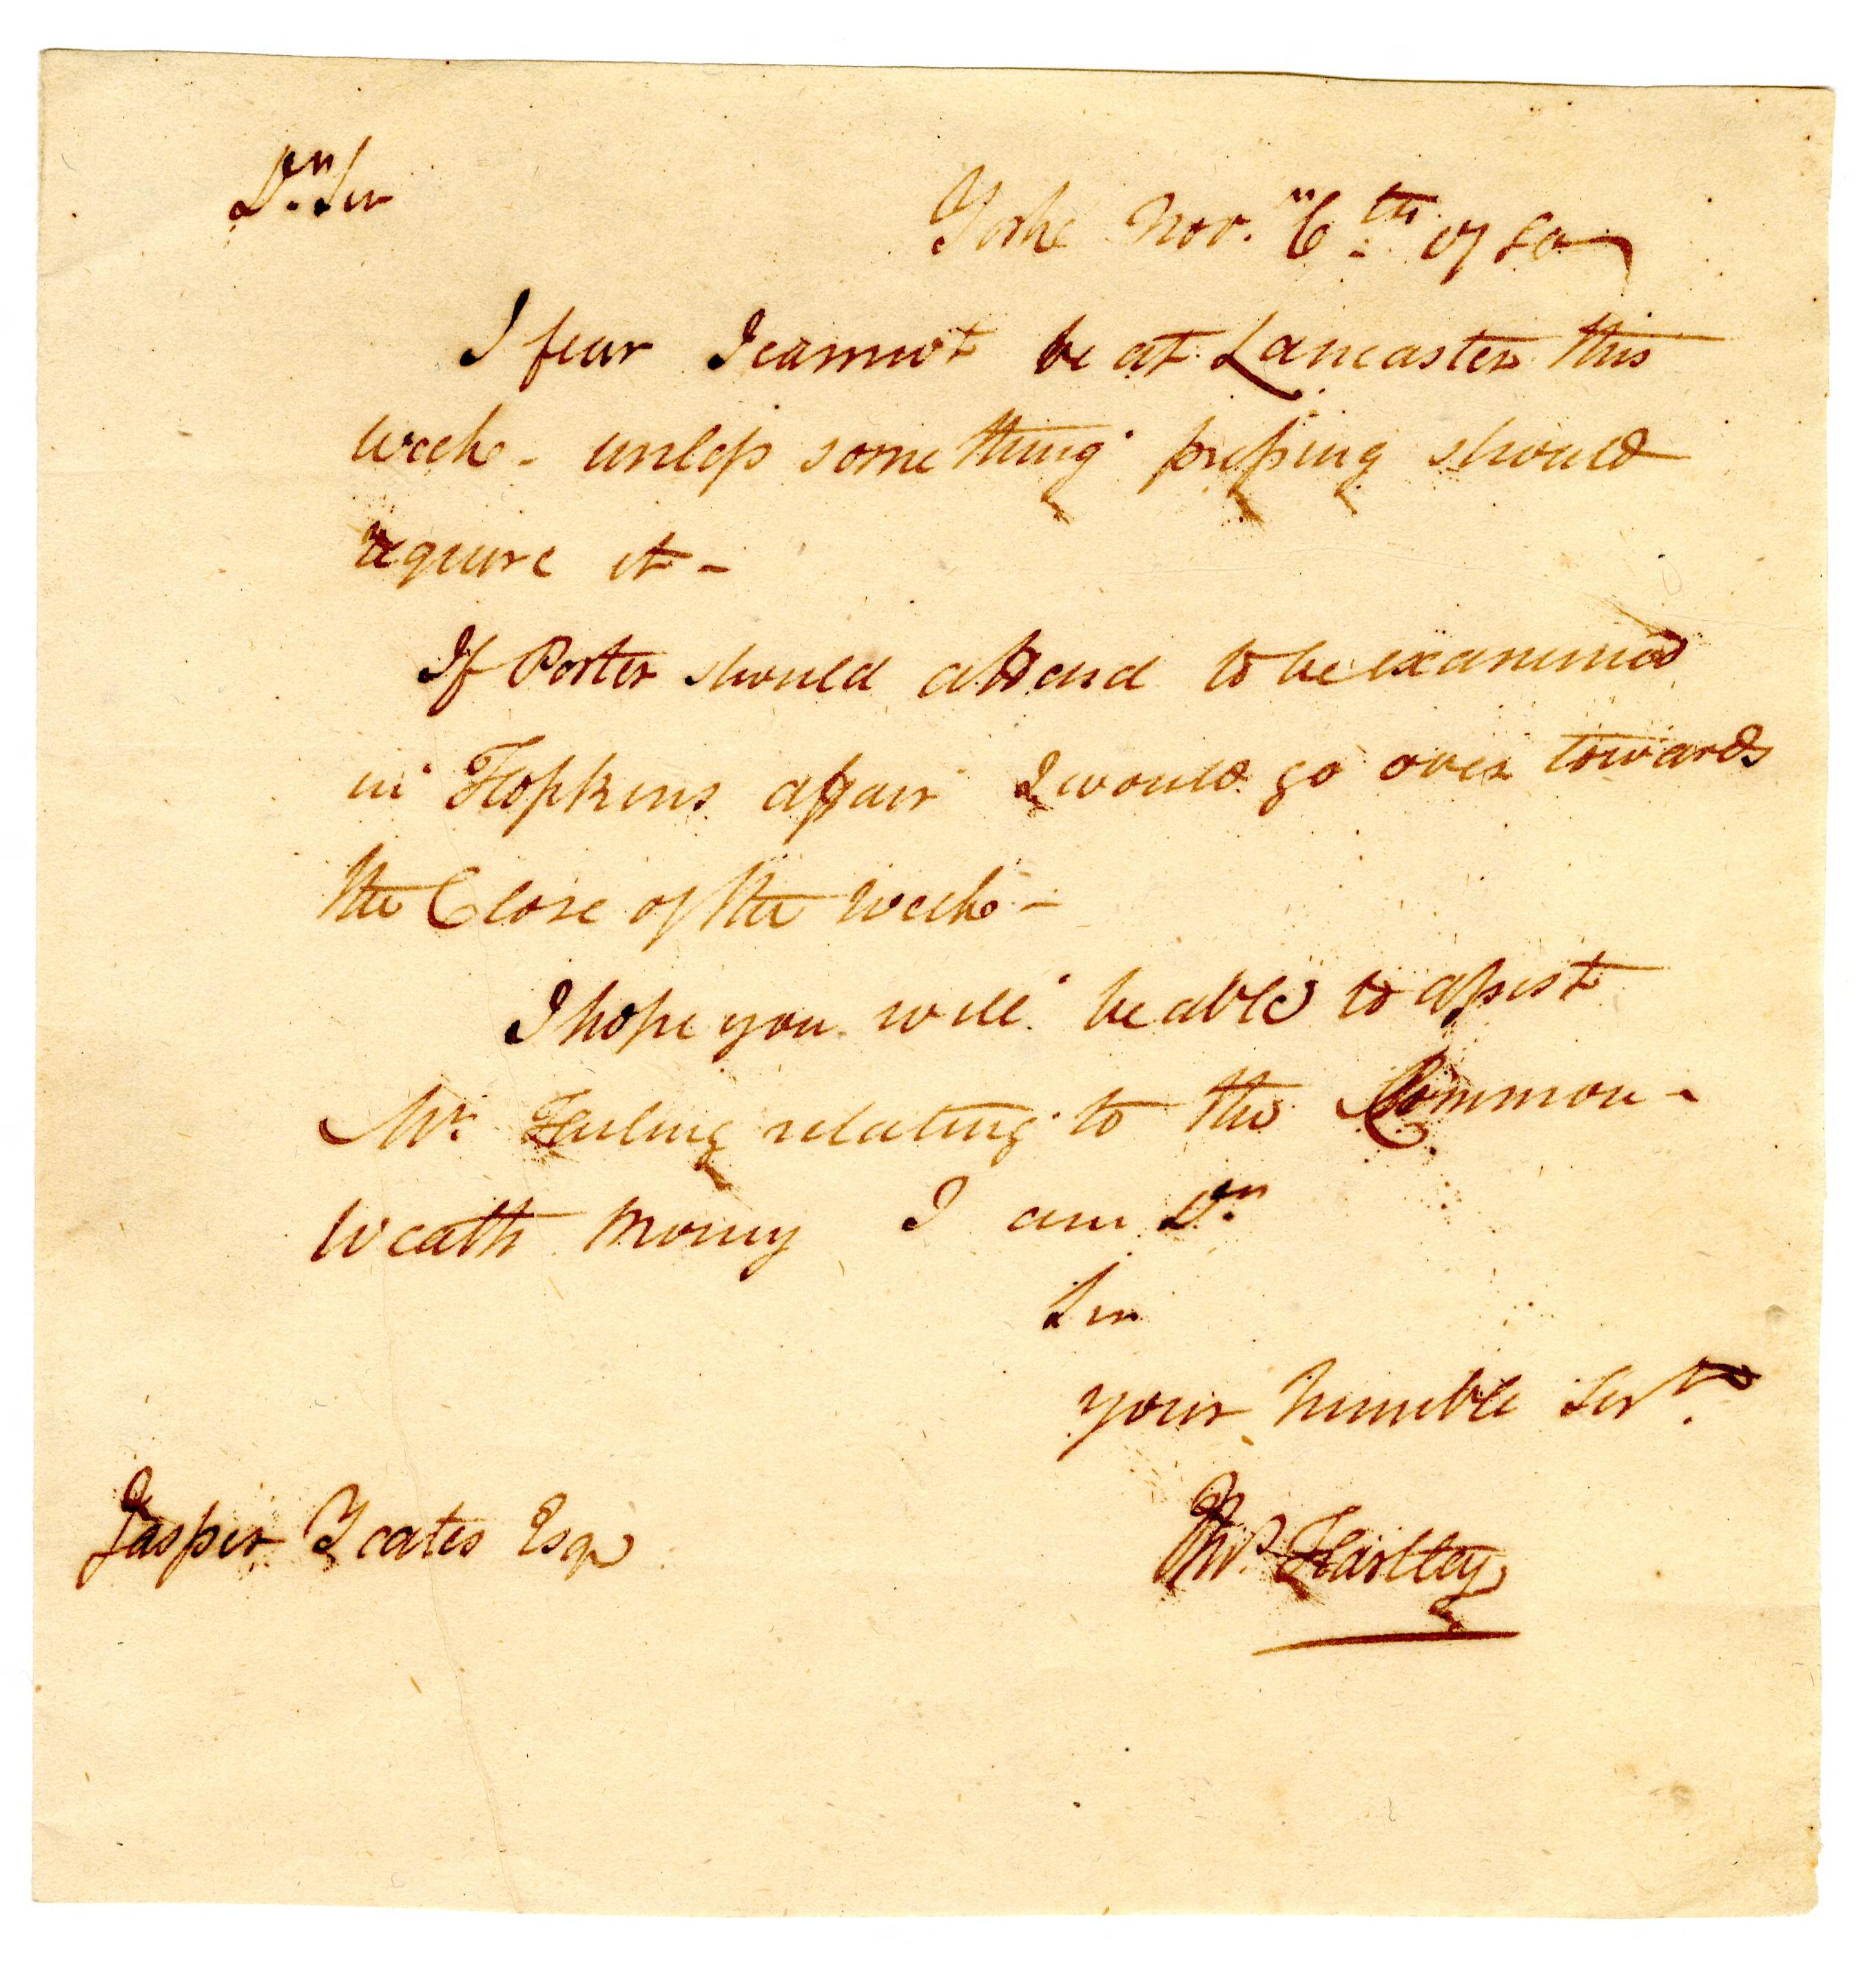D^r Sir
Yorke Nov. 6^th. 1780
I fear I cannot be at Lancaster this
week. unless something pressing should
acquire it.
If Porter should attend to be examined
in Hopkins affair I would go over towards
the Close of the week.
I hope you will be able to assist
M^r. Huling relating to the Commorn
Weath Money I am D^r.
Sir
your humble Ser^t
M^r. Hartley
Jasper Yeates Esq.